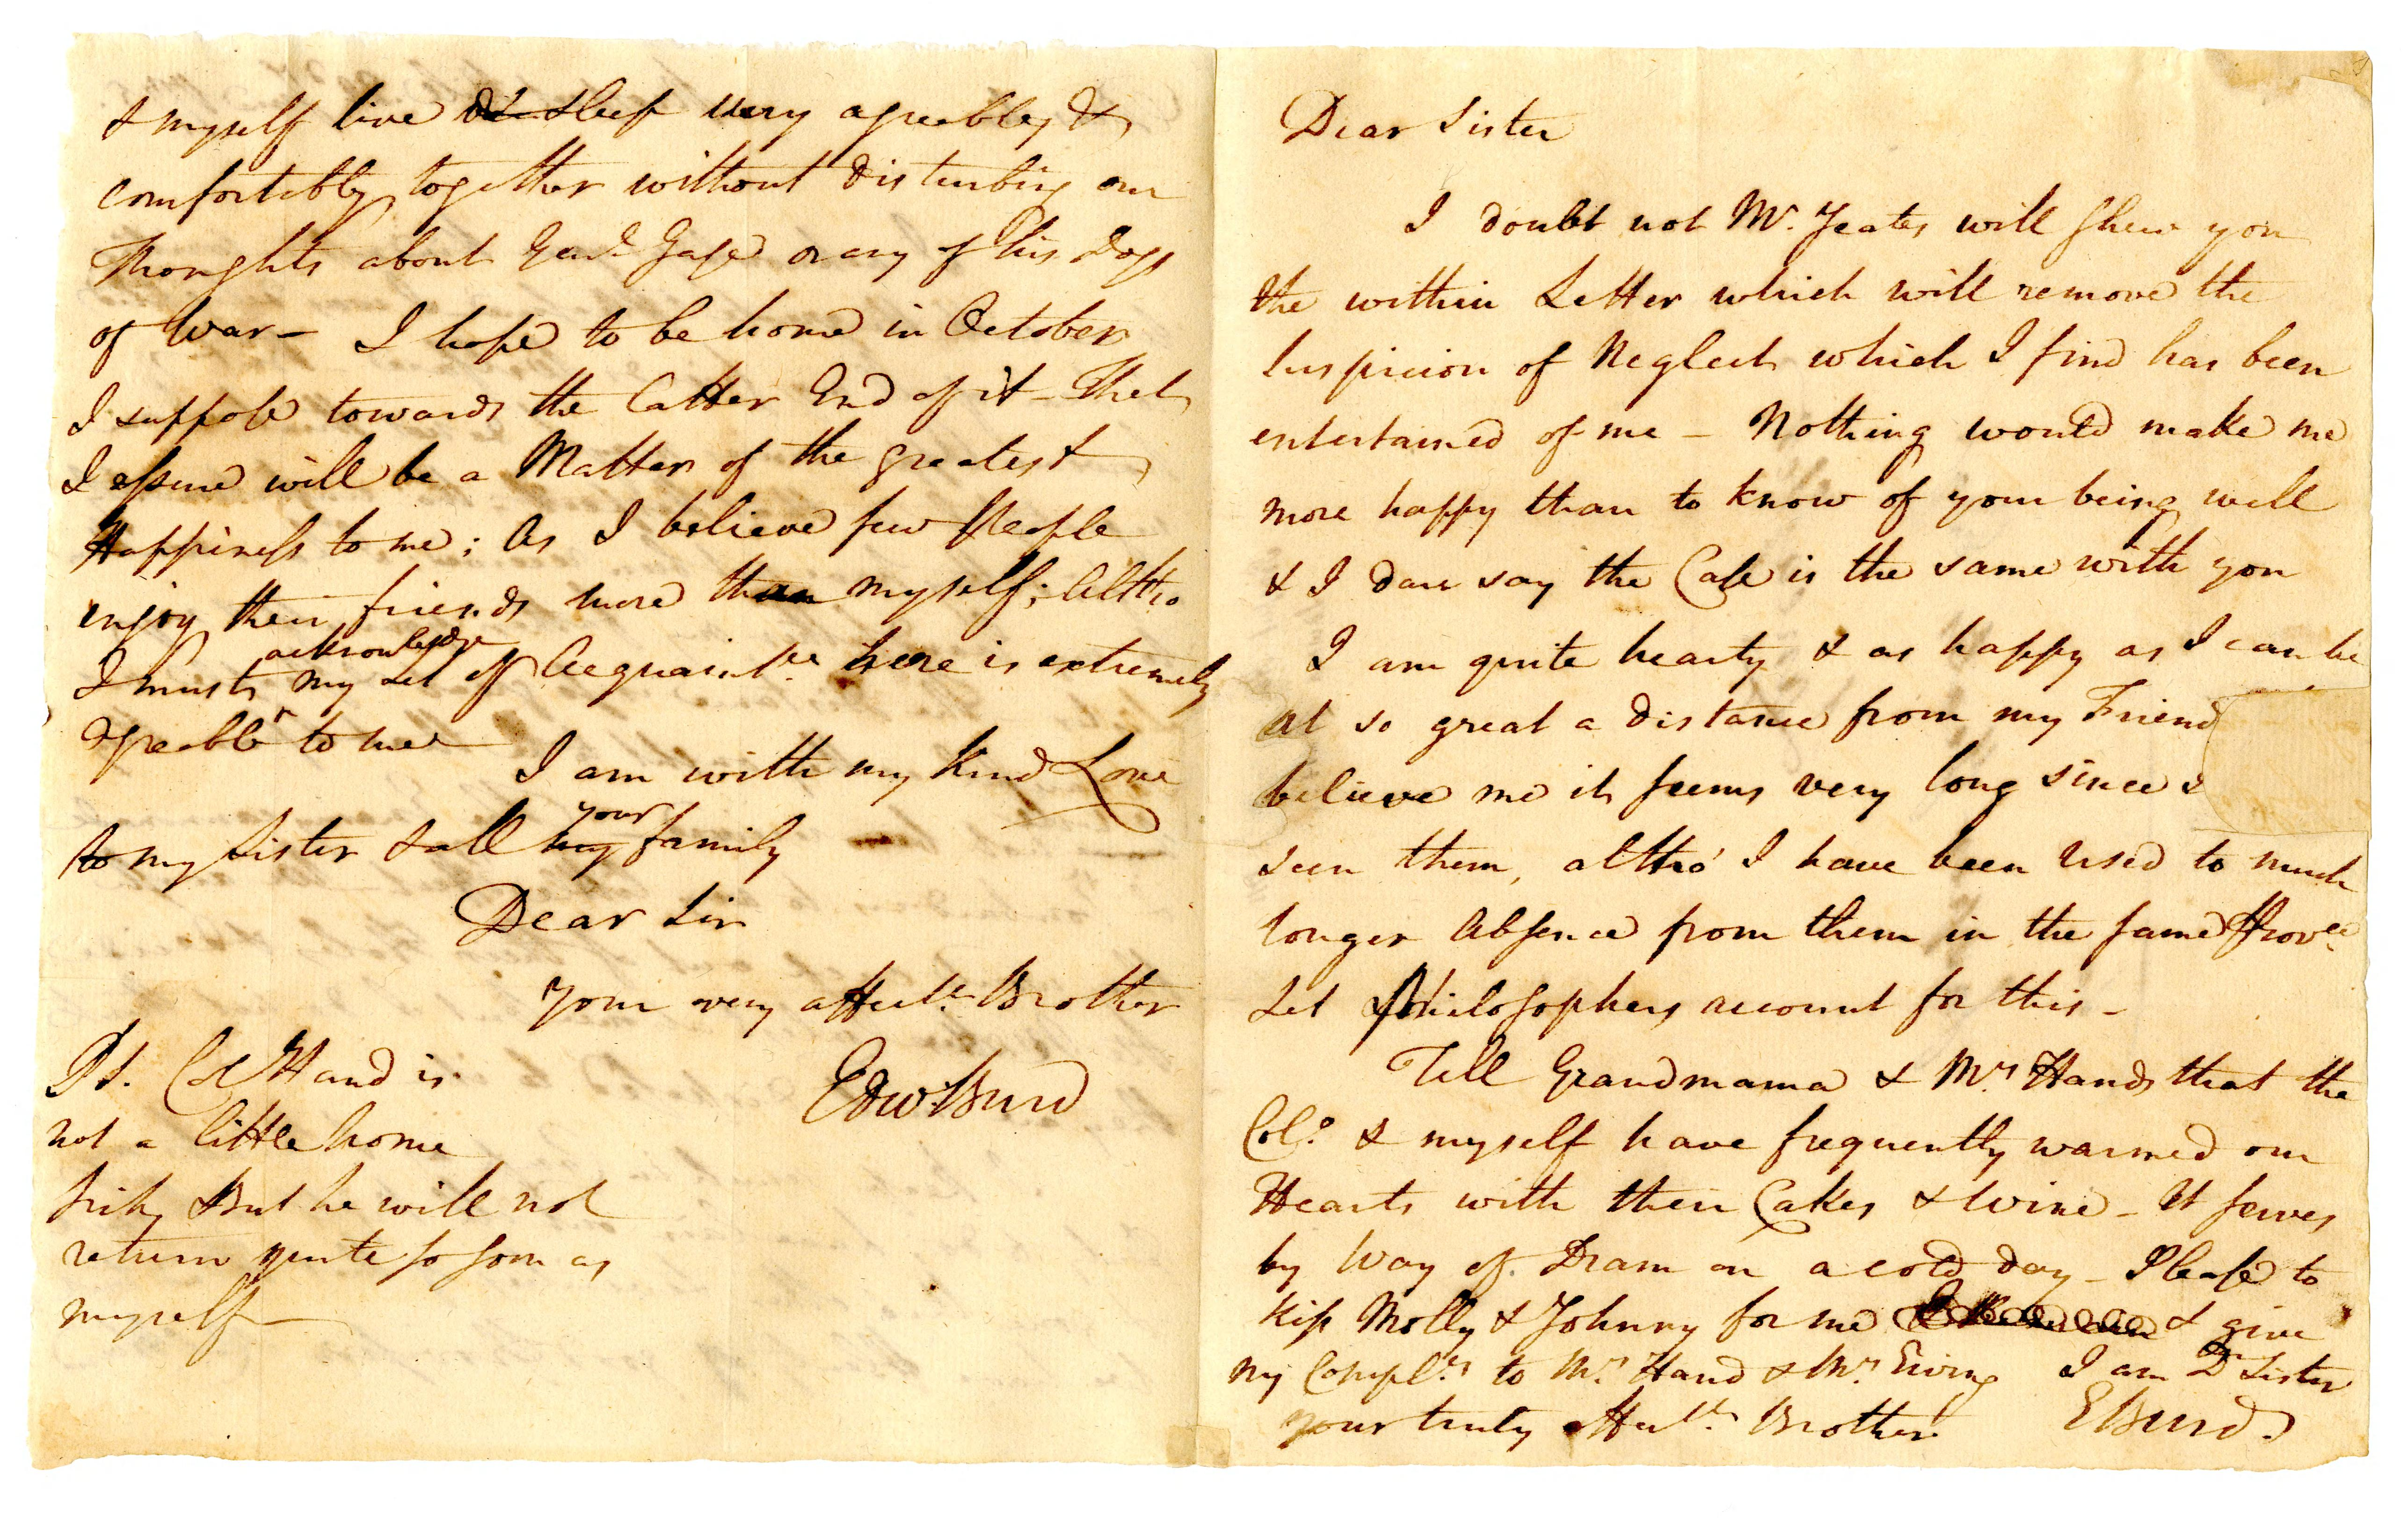& myself live sleep very agreably &
comfortably together without disturbing our
Thoughts about Gen^l. Gage or any of his Dogs
of War. I hope to be home in October
I suppose towards the latter End of it. Then
I assume will be a Matter of the greatest
Happiness to me: As I believe few People
enjoy their friends more than myslf: littleso
acknowledge
I must ^ my Let of Acquaint^ce. here is extremely
agreable to me
I am with my kind Love
your
to my Sister & all my family
Dear Sir
Your very affect^e Brother
Edw Burd
PS. Col Hand is
not a little home
Fish, but he will not
return quote so soon as
myself
Dear Sister
I doubt not M^r. Yeates will shew you
the within Letter which will remove the
Suspicion of Neglect which I find has been
entertained of me. Nothing would make me
more happy than to know of your being well
& I dare say the Case is the same with you
I am quite hearty & as happy as I can be
At so great a distance from my Friend
believe me its seems very long since I
seen them altho' I have been used to much
longer Absence from them in the same Prov^e.
Let Philosophers account for this
Tell Grandmama & M^rs Hand that the
Col^o. & myself have frequently warmed our
Hearts with their Cakes & wine. It serves
by way of Dram on a cold day Please to
kiss Molly & Johnny for me [________] & give
my Compl^s to M^rs. Hand & M^rs. Ewing I am D^r Sister
your truly affect^e. Brother
EBurd